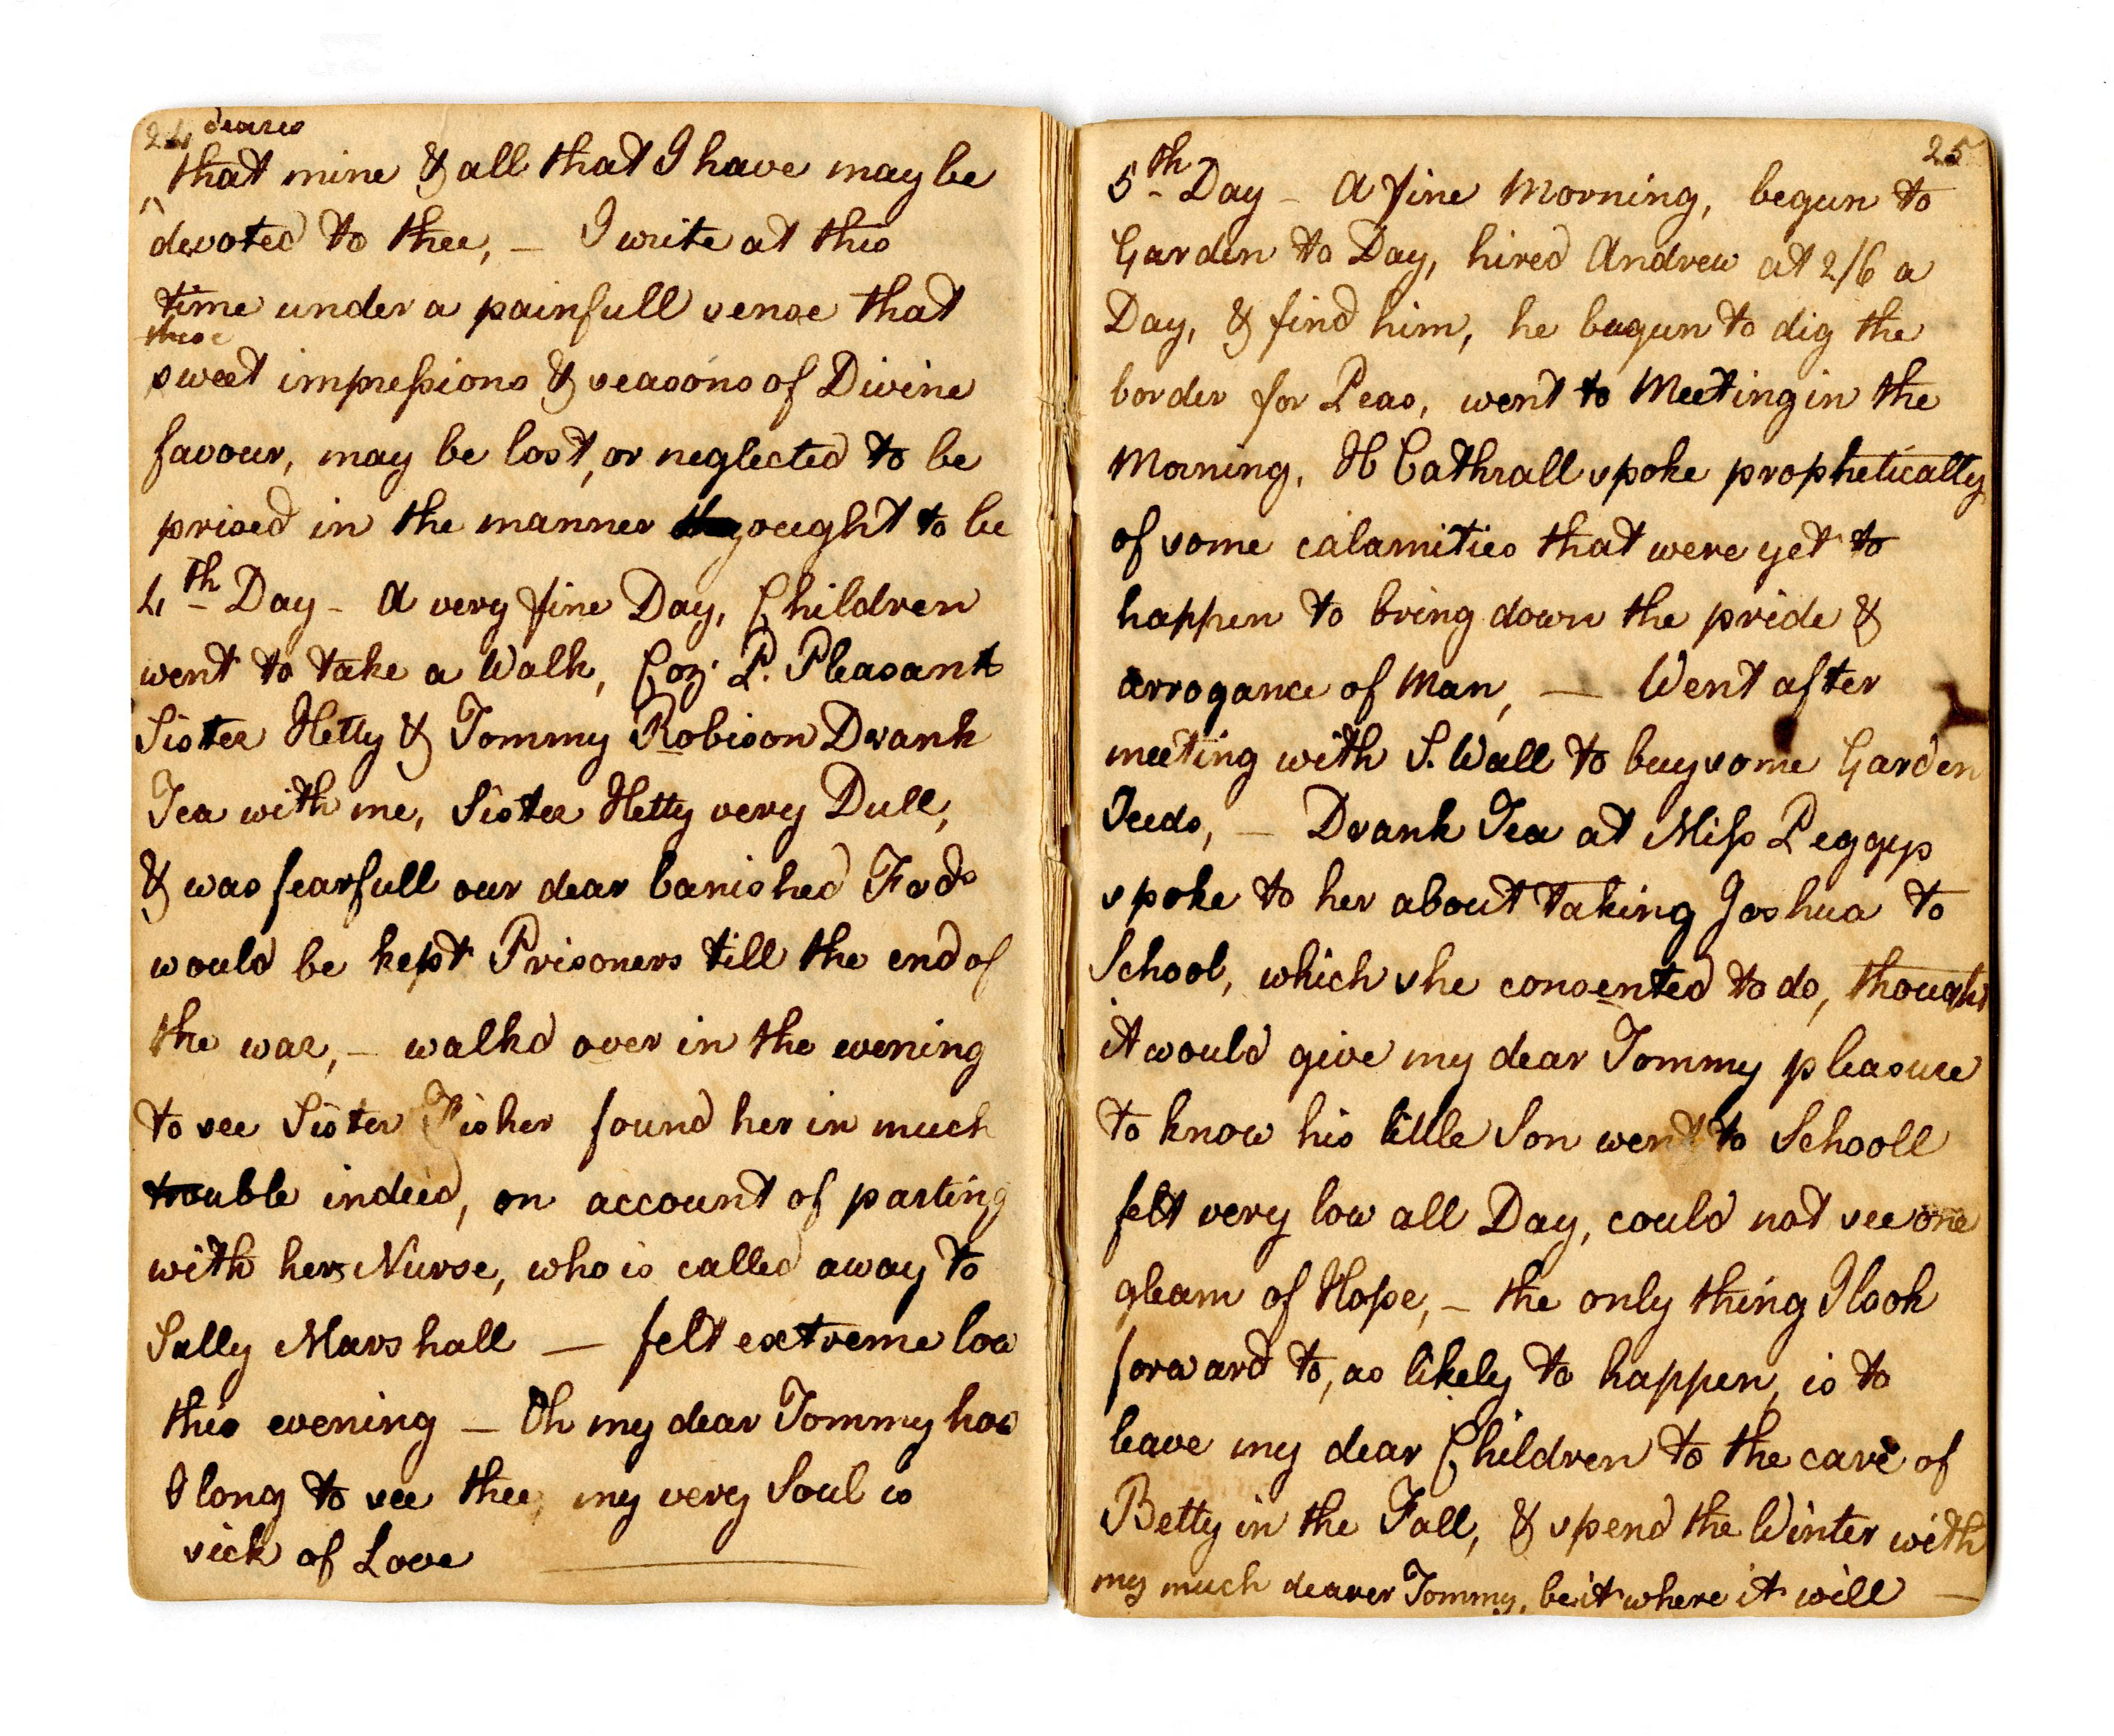deares
24
^ that mine & all that I have may be
devoted to thee,- I write at this
time under a painfull sense that
these
^ sweet impressions & seasons of Divine
favour, may be lost or neglected to be
prised in the manner [thy] ought to be
4^th Day- A very fine Day, Children
went to take a Walk, Coz P. Pleasants
Sister Hetty & Tommy Robison Drank
Tea with me, Sister Hetty very Dull,
& was fearfull our dear banished Frd^s
would be kept Prisoners till the end of
the war- walkd over in the evening
to see Sister Fisher found her in much
trouble indeed, on account of parting
with her Nurse, who is called away to
Sally Marshall- felt extreme low
this evening- Oh my dear Tommy has
I long to see thee, my very Soul is
sick of Love-
25
5^th Day- A fine Morning, begun to
Garden to Day, hired Andrew at 2s6 a
Day, & find him, he bugun to dig the
border for Peas, went to Meeting in the
Morning, H Cathrall spoke prophetically
of some calamities that were yet to
happen to bring down the pride &
arrogance of Man- Went after
meeting with S. Wall to buy some Garden
Seeds.- Drank Tea at Miss Peggys
spoke to her about taking Joshua to
School, which she consented to do, thought
it would give my dear Tommy pleasure
to know his little Son went to Schooll
felt very low all Day, could not see one
gleam of Hope,- the only thing I look
forward to, as likely to happen is to
leave my dear Children to the care of
Betty in the Fall, & spend the Winter with
my much dearer Tommy, be it where it will